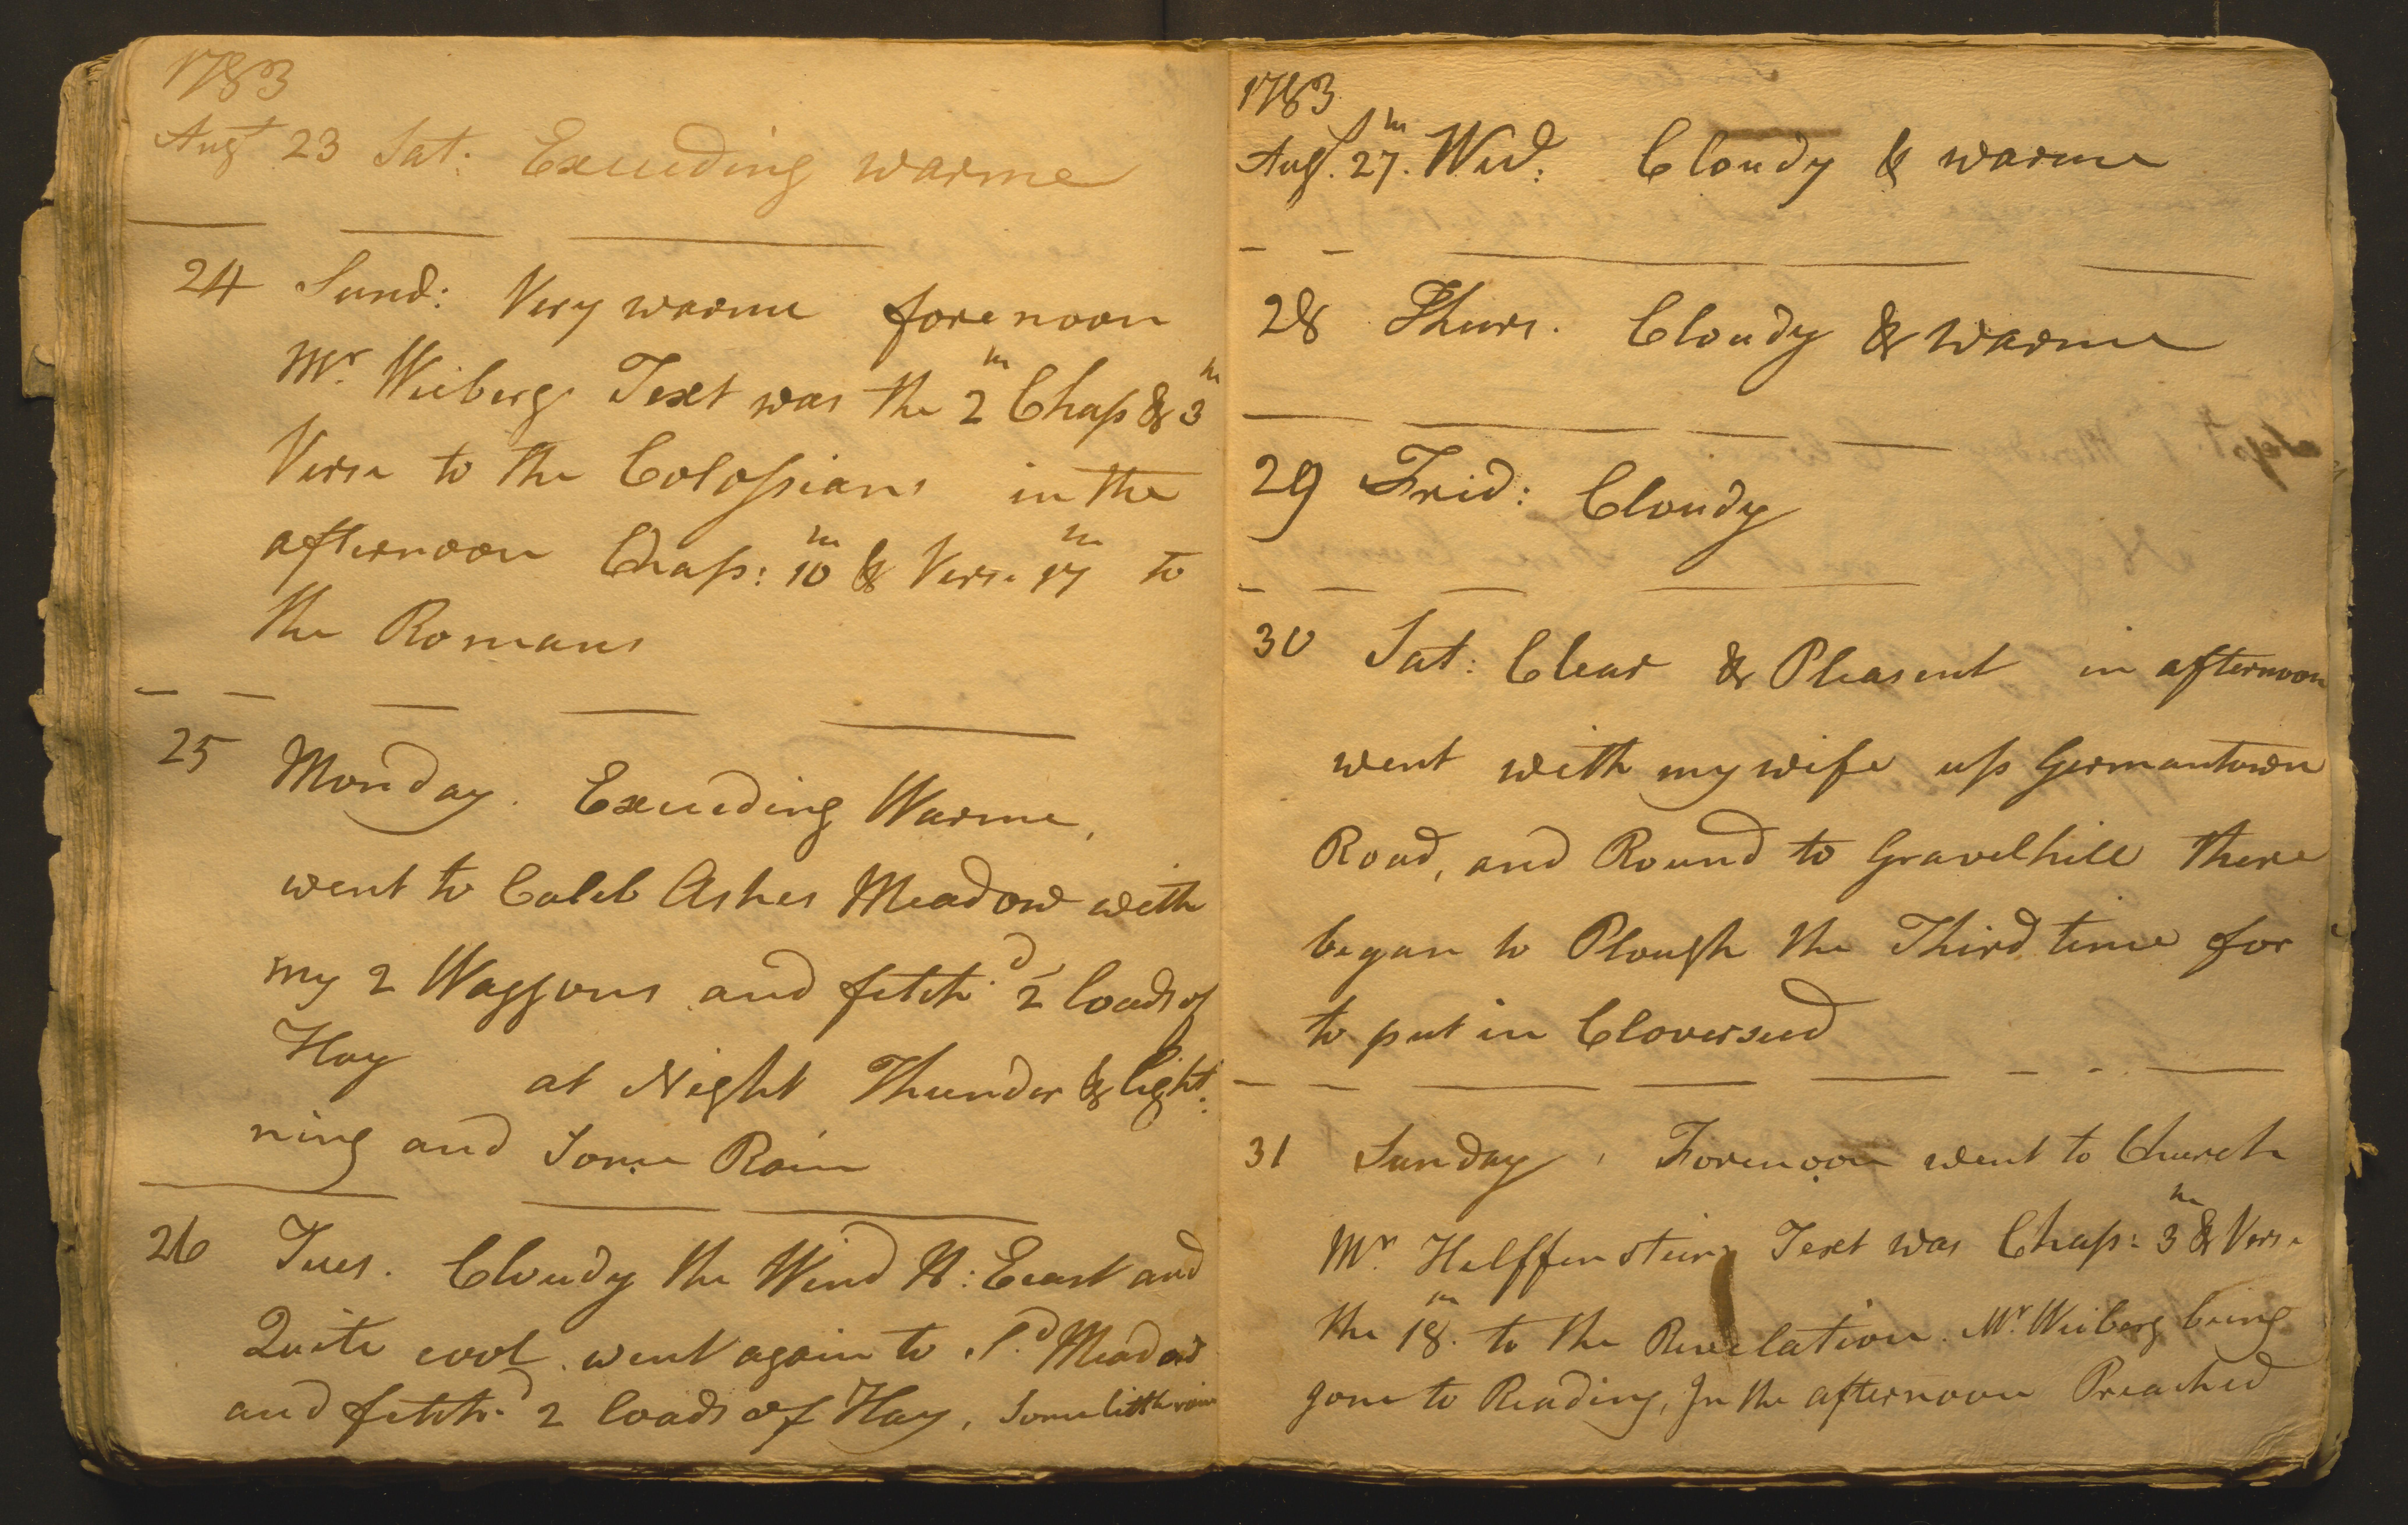1783
Aug^t. 23 Sat. Exceeding warme
24 Sund: Very warme forenoon
M^r. Weibergs Text was the 2^th Chap & 3^th
Verse to the Colossians, in the
afternoon Chap: 10^th & Verse 17^th to
the Romans
25 Monday. Exceeding Warme
went to Caleb Ashes Meadow with
my 2 Waggons and fetch^d. 2 loads of
Hay at Night Thunder & light:
ning and some Rain
26 Tues. Cloudy the Wind N: East and
Quite cool. went again to S^d. Meadow
and fetch^d. 2 loads of Hay, Some little rain
1783
Aug^t. 27^th. Wed: Cloudy & warme
28 Thurs. Cloudy & warme
29 Frid. Cloudy
30 Sat. Clear & Pleasent in afternoon
went with my wife up Germantown
Road, and Round to Gravelhill there
began to Plough the Third time for
to put in Cloverseed
31 Sunday. Forenoon went to Church
M^r. Helffensteins Text was Chap: 3^th & Verse
the 18^th. to the Revelation M^r. Weiberg being
gone to Reading, In the afternoon Preached